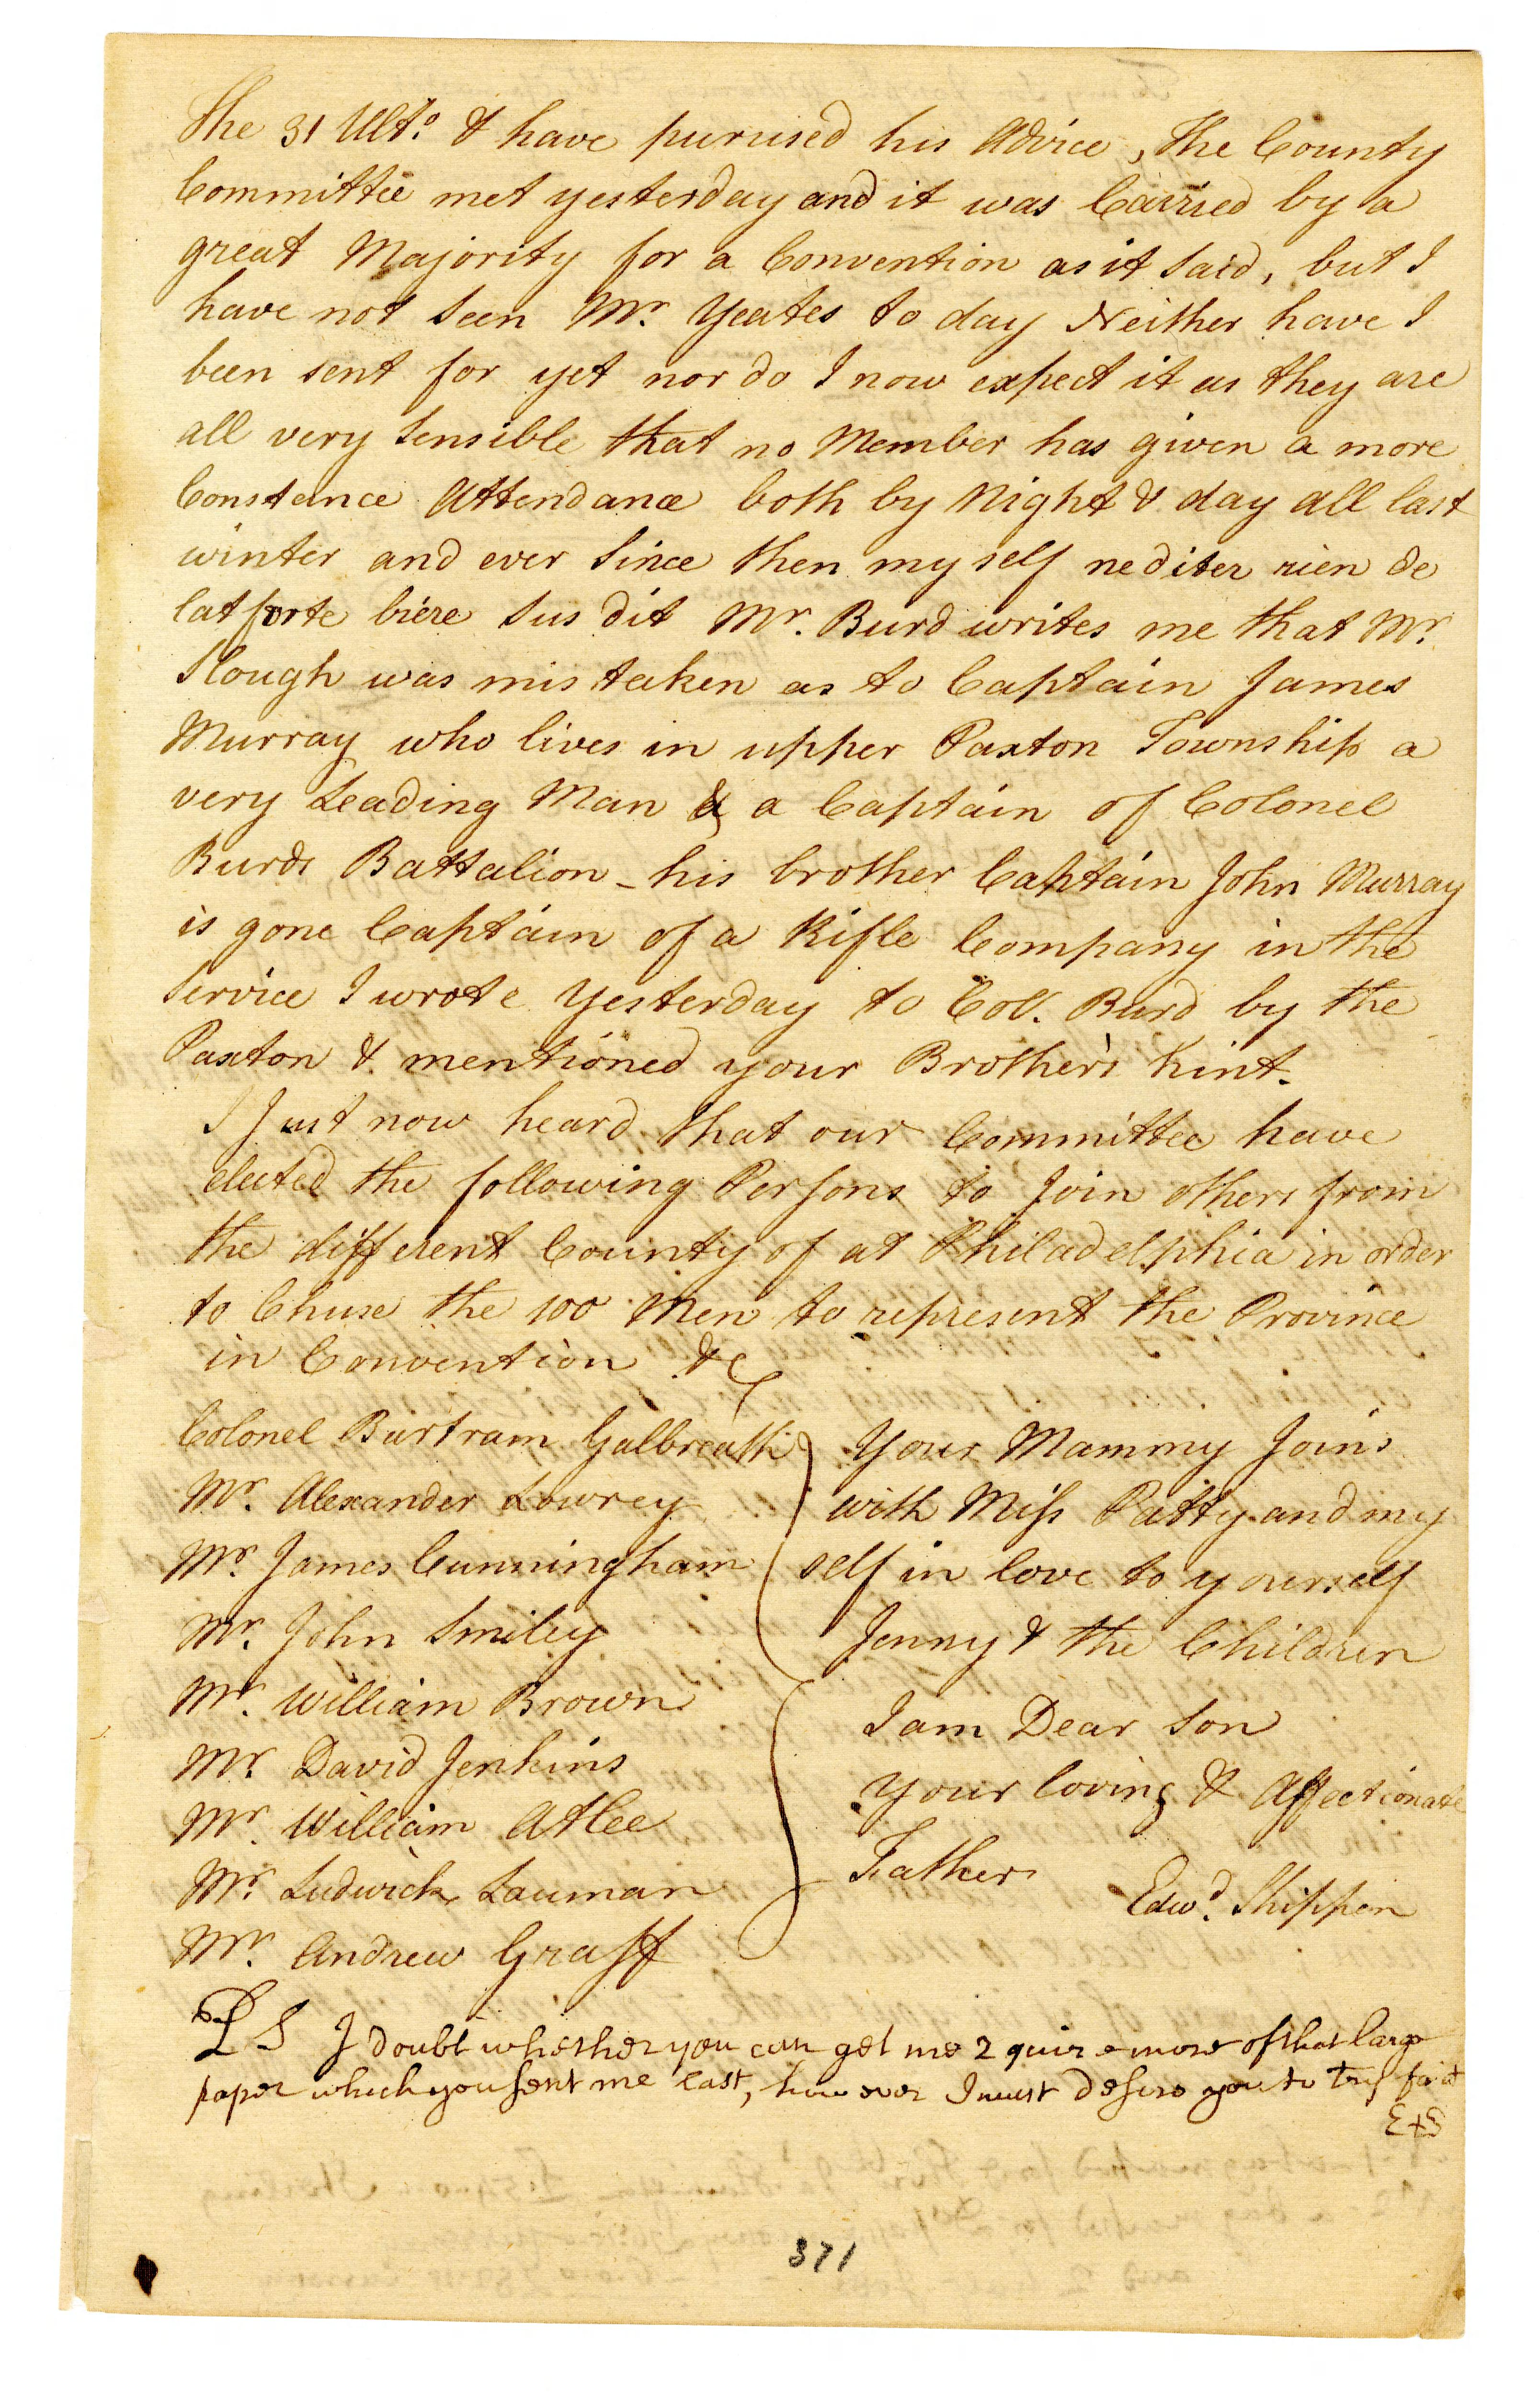The 31 Ult^o. & have purused his Advice, The County
Committee met yesterday and it was Carried by a
great Majority for a Convention as it said, but I
have not seen M^r. Yeates to day Neither have I
been sent for yet nor do I now expect it us they are
all very Sensible that no Member has given a more
Constance Attendance both by night & day all last
winter and ever Since then my self nediter rien de
lat forte brére sus dit M^r. Burd writes me that M^r.
Slough was mistaken as to Captain James
Murray who lives in upper Paxton Township a
very Leading Man & a Captain of Colonel
Burds Battalion- his brother Captain John Murray
is gone Captain of a Rifle Company in the
service I wrote yesterday to Col. Burd by the
Paxton & mentioned your Brother's hint.
I just now heard that our Committee have
elected the following Persons to Join others from
the different County of at Philadelphia in order
to Chuse the 100 then to represent the Province
in Convention &c
Colonel Burtram Galbreath
M^r. Alexander Lowrey
M^r. James Cunningham
M^r. John Smiley
M^r. William Brown
M^r. David Jenkins
M^r. William Atlee
M^r Ludwick Lauman
M^r. Andrew Graff
Your Mammy Joins
with Miss Patty and my
self in love to yourself
Jenny & the Children
I am Dear Son
your loving & Affectionate
Father
Edw^d. Shippen
PS I doubt whether you con get me 2 quire more of that large
paper which you sent me last, however I must desire you to to try for it
E+S